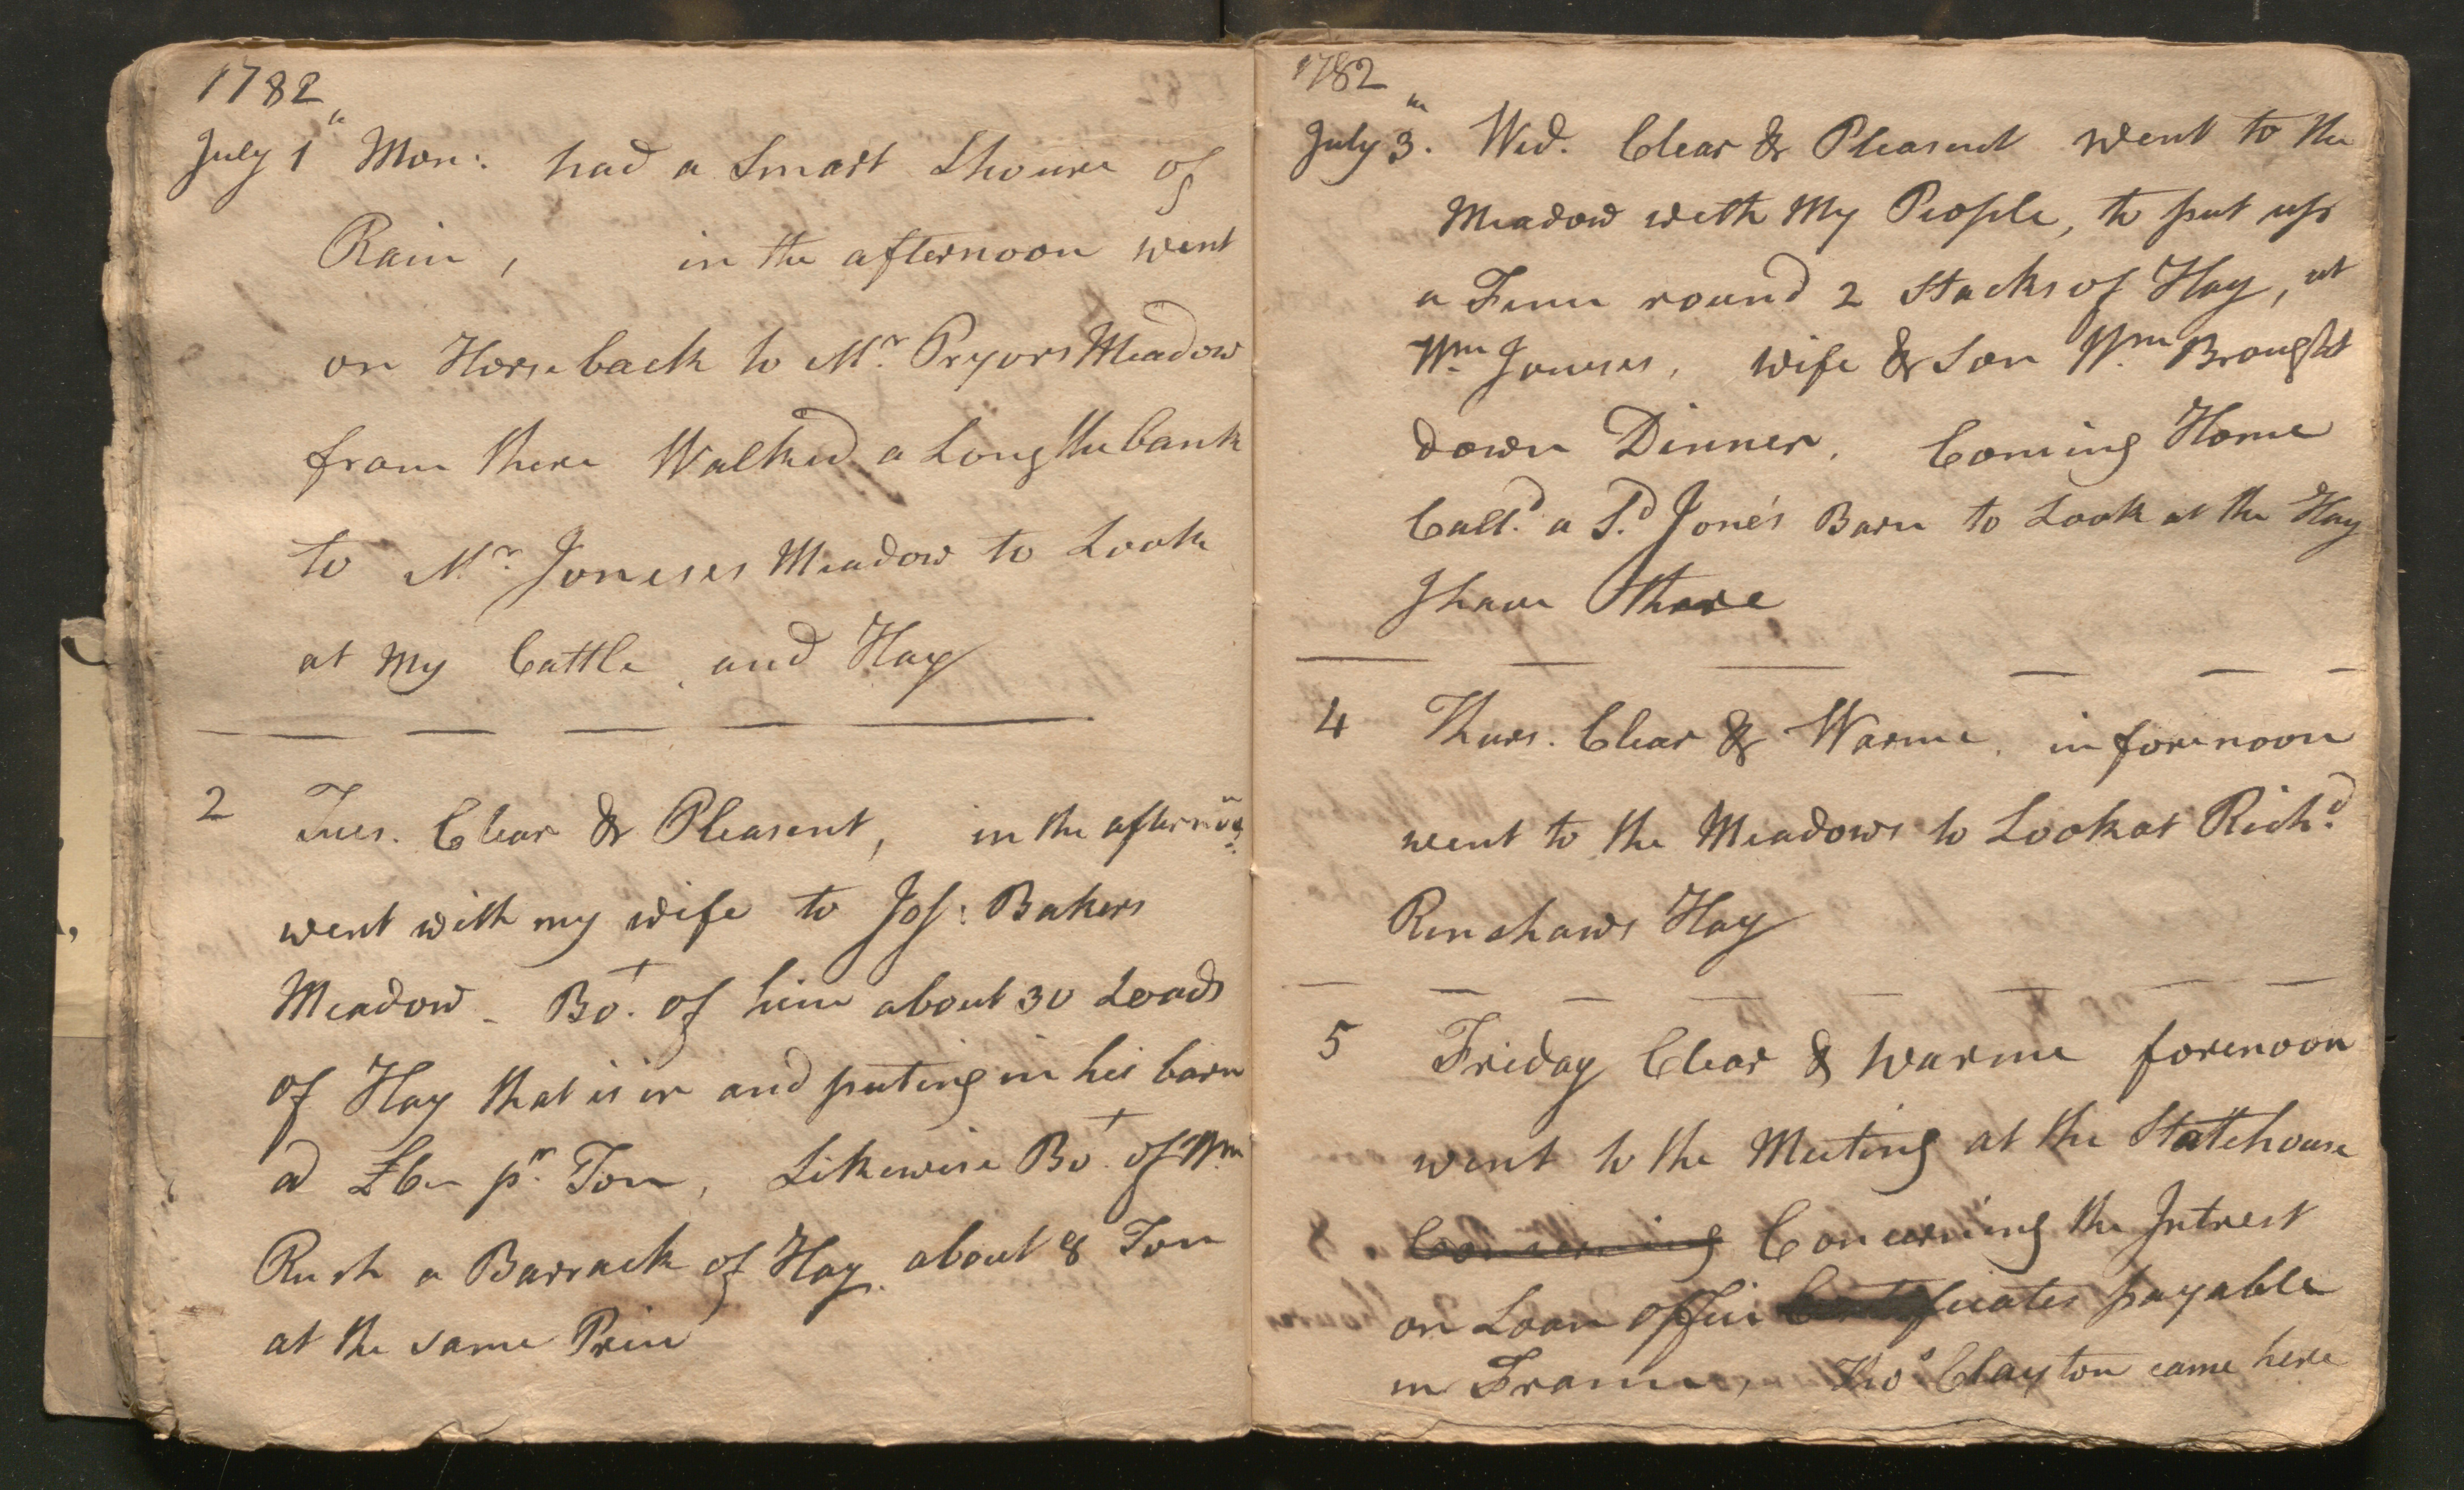1782
July 1 Mon: had a smart Shoure of
Rain, in the afternoon, went
on Horseback to M^r. Pryors Meadow
from there Walked a Long the bank
to M^r. Joneses Meadow to Look
at My Cattle and Hay
2 Tues. Clear & Pleasent, in the afternoo^n
went with my wife to Jos: Bakers
Meadow Bo^t. of him about 30 Loads
of Hay that is in and puting in his barn
@ £6- p^r. Ton, Likewire Bo^t. of W^m.
Rech a Barrack of Hay about 8 Ton
at the same Price
1782
July 3^h. Wed. Clear & Pleasent went to the
Meadow with My People, to put up
a Fence round 2 Stacks of Hay,
W^m Joneses, wife & Son W^m. Brought
down Dinner, Coming Home
Call^d. a s^d. Jone's Barn to Look at the Hay
I have there
4 Thurs. Clear & Warme, in forenoon
went to the Meadows to Look at Rich^d.
Renshaws Hay
5 Friday Clear & warme forenoon
went to the Meeting at the Statchouse
[Concerning] Concerning the Intrest
on Loon office [Certif]icates payable
in France, Tho^s. Clayton came here